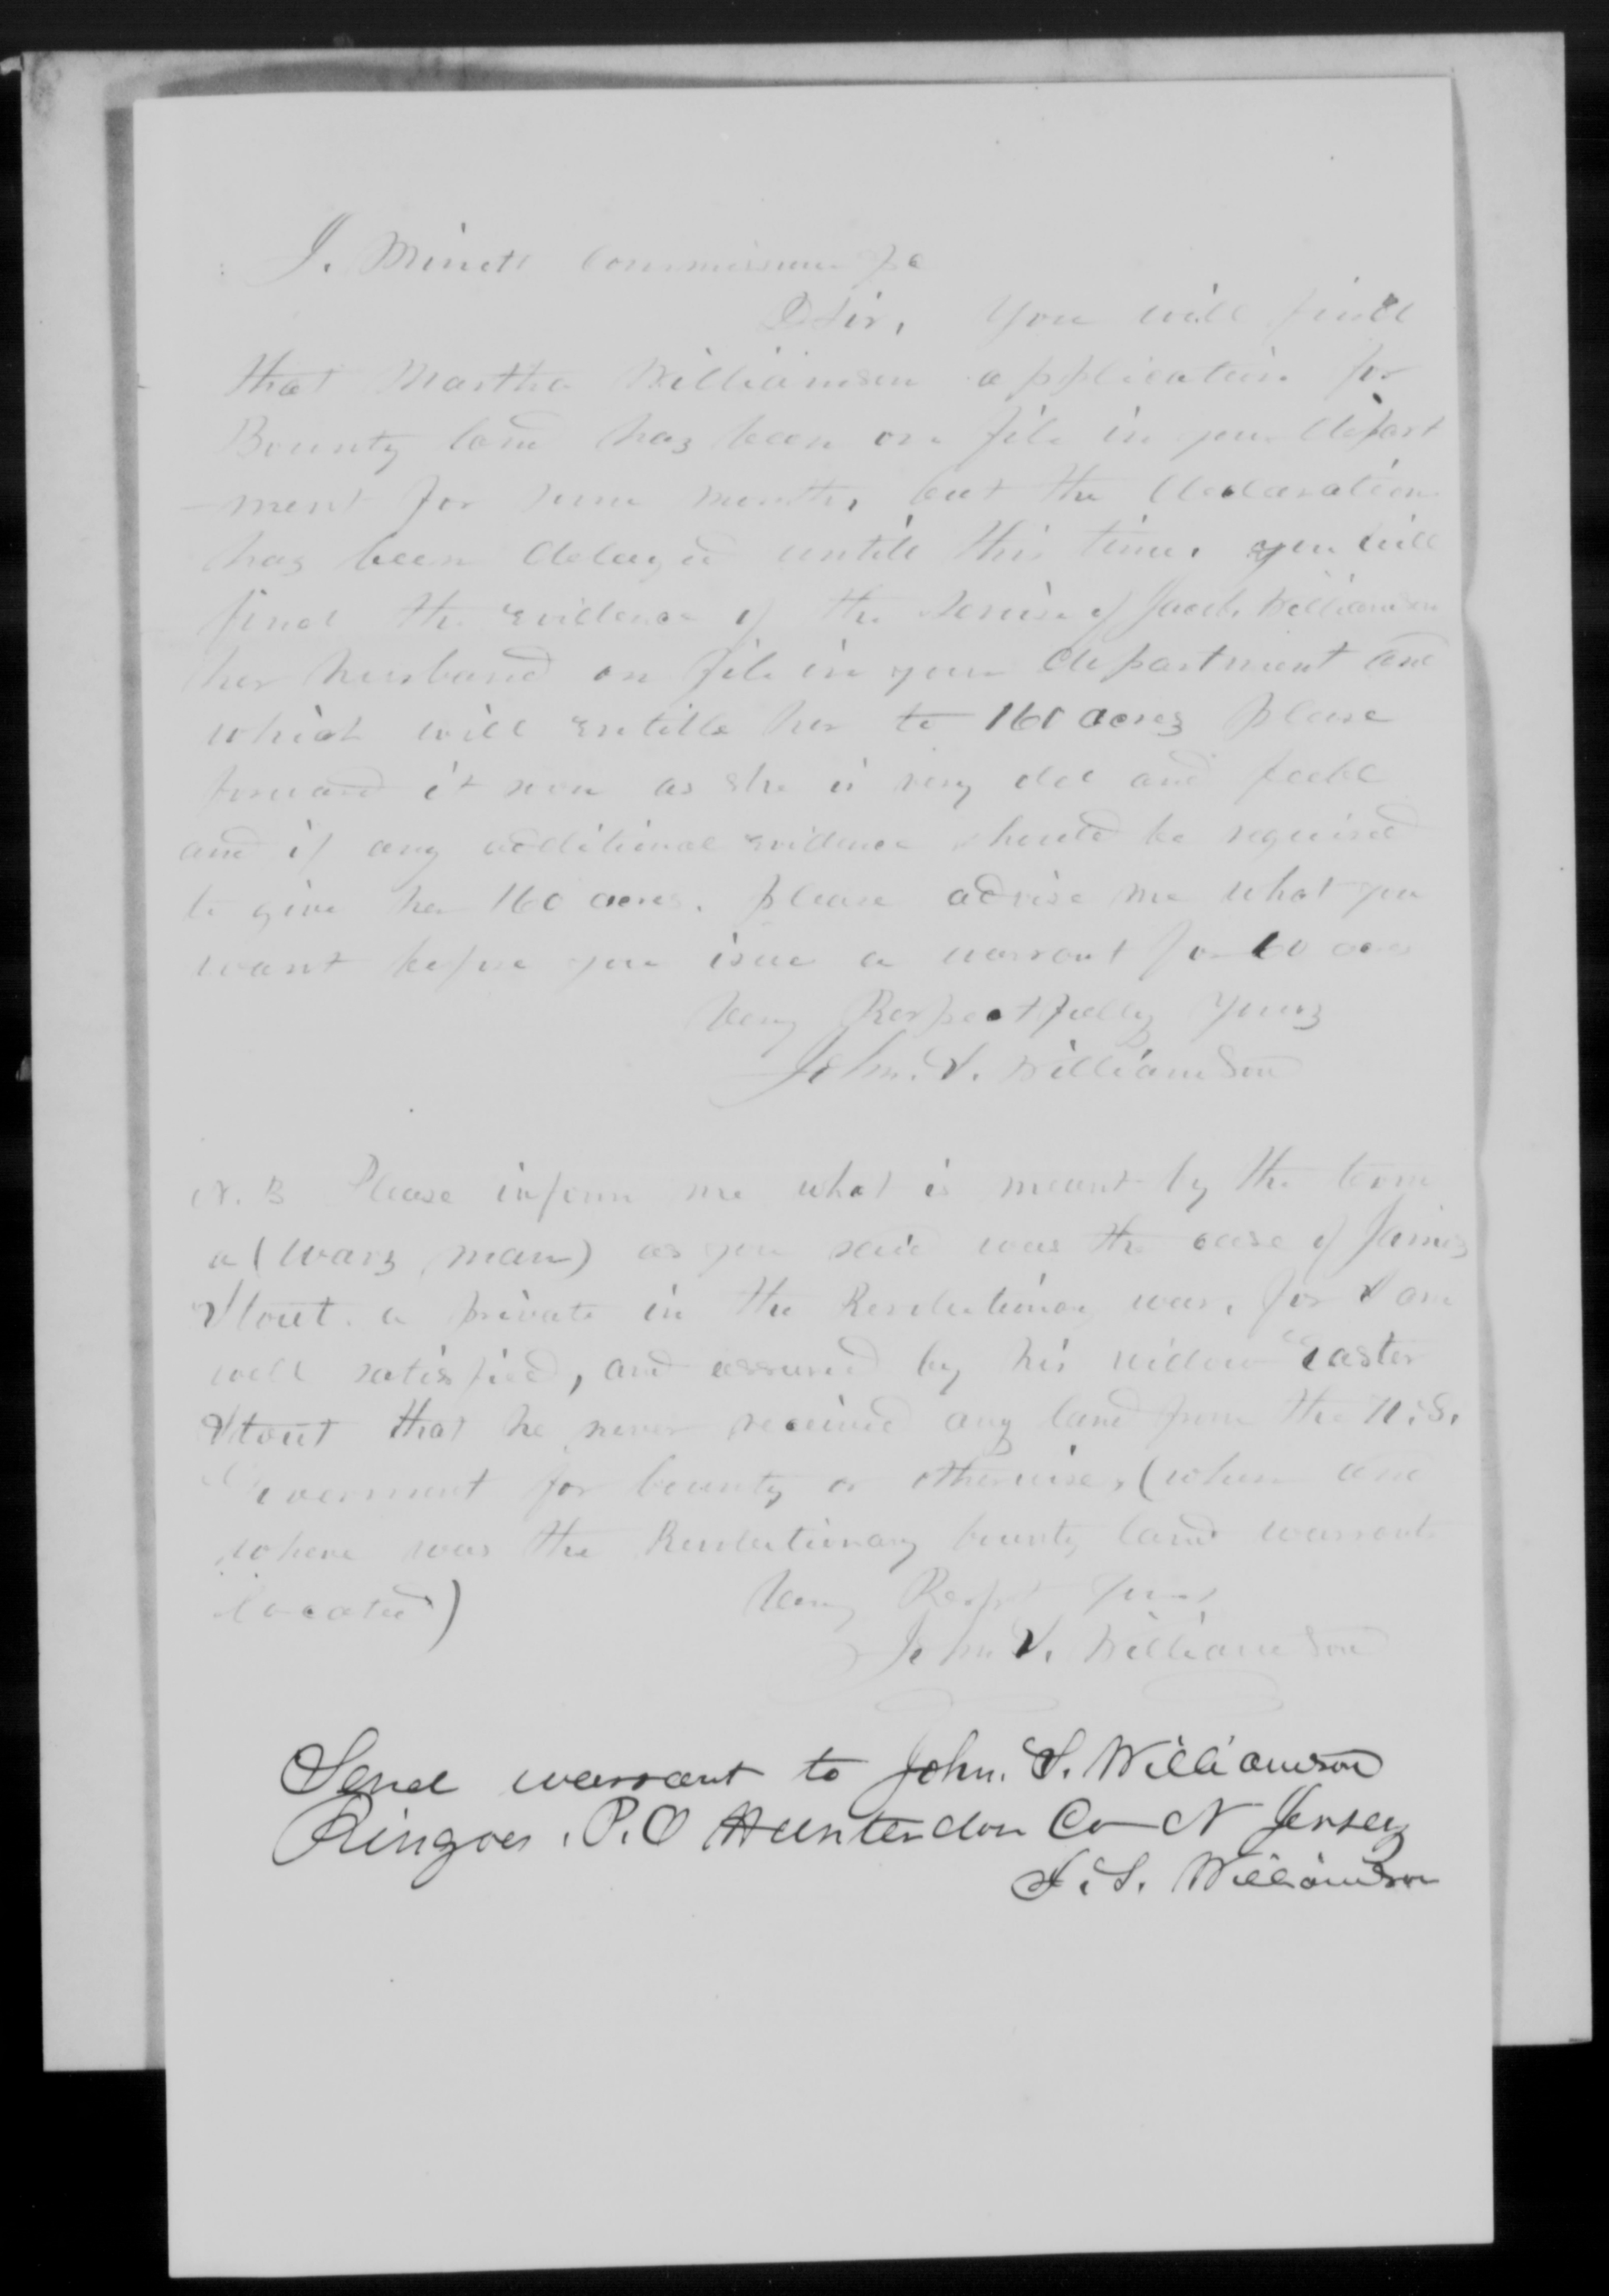J. Minot, Commissioner &c.

D(ea)r Sir,

You will find that Martha Williamson's application for Bounty Land has been on file in your department for some month but the declaration has been delayed until this time. You will find the evidence of the service of Jacob Williamson, her husband, on file in your department and which will entitle her to 160 acres. Please forward it soon as she is very old and feeble and if any additional evidence should be required to give her 160 acres. Please advise me what you want before you issue a warrant for 60 acres.

Very Respectfully yours,
s/ John T. Williamson

N.B. Please inform me what is meant by the term a (wars man) as you said was the case of James Stout, a private in the Revolutionary War, for I am well satisfied and assured by his widow, Easter Stout, that he never received any land from the U.S. Government for County or otherwise (when and where was the Revolutionary Bounty Land Warrant located).

Very Respectfully yours,
s/ John T. Williamson

Send warrant to John S. Williamson, Ringoes P.O., Hunterdon Co., N. Jersey.
s/ John T. Williamson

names: Easter Stout, John S Williamson, Levi Sloan, Martha Williamson, Jacob Williamson, James Stout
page: 22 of 67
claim: widow's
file: W. 2393, Jacob Williamson, New Jersey